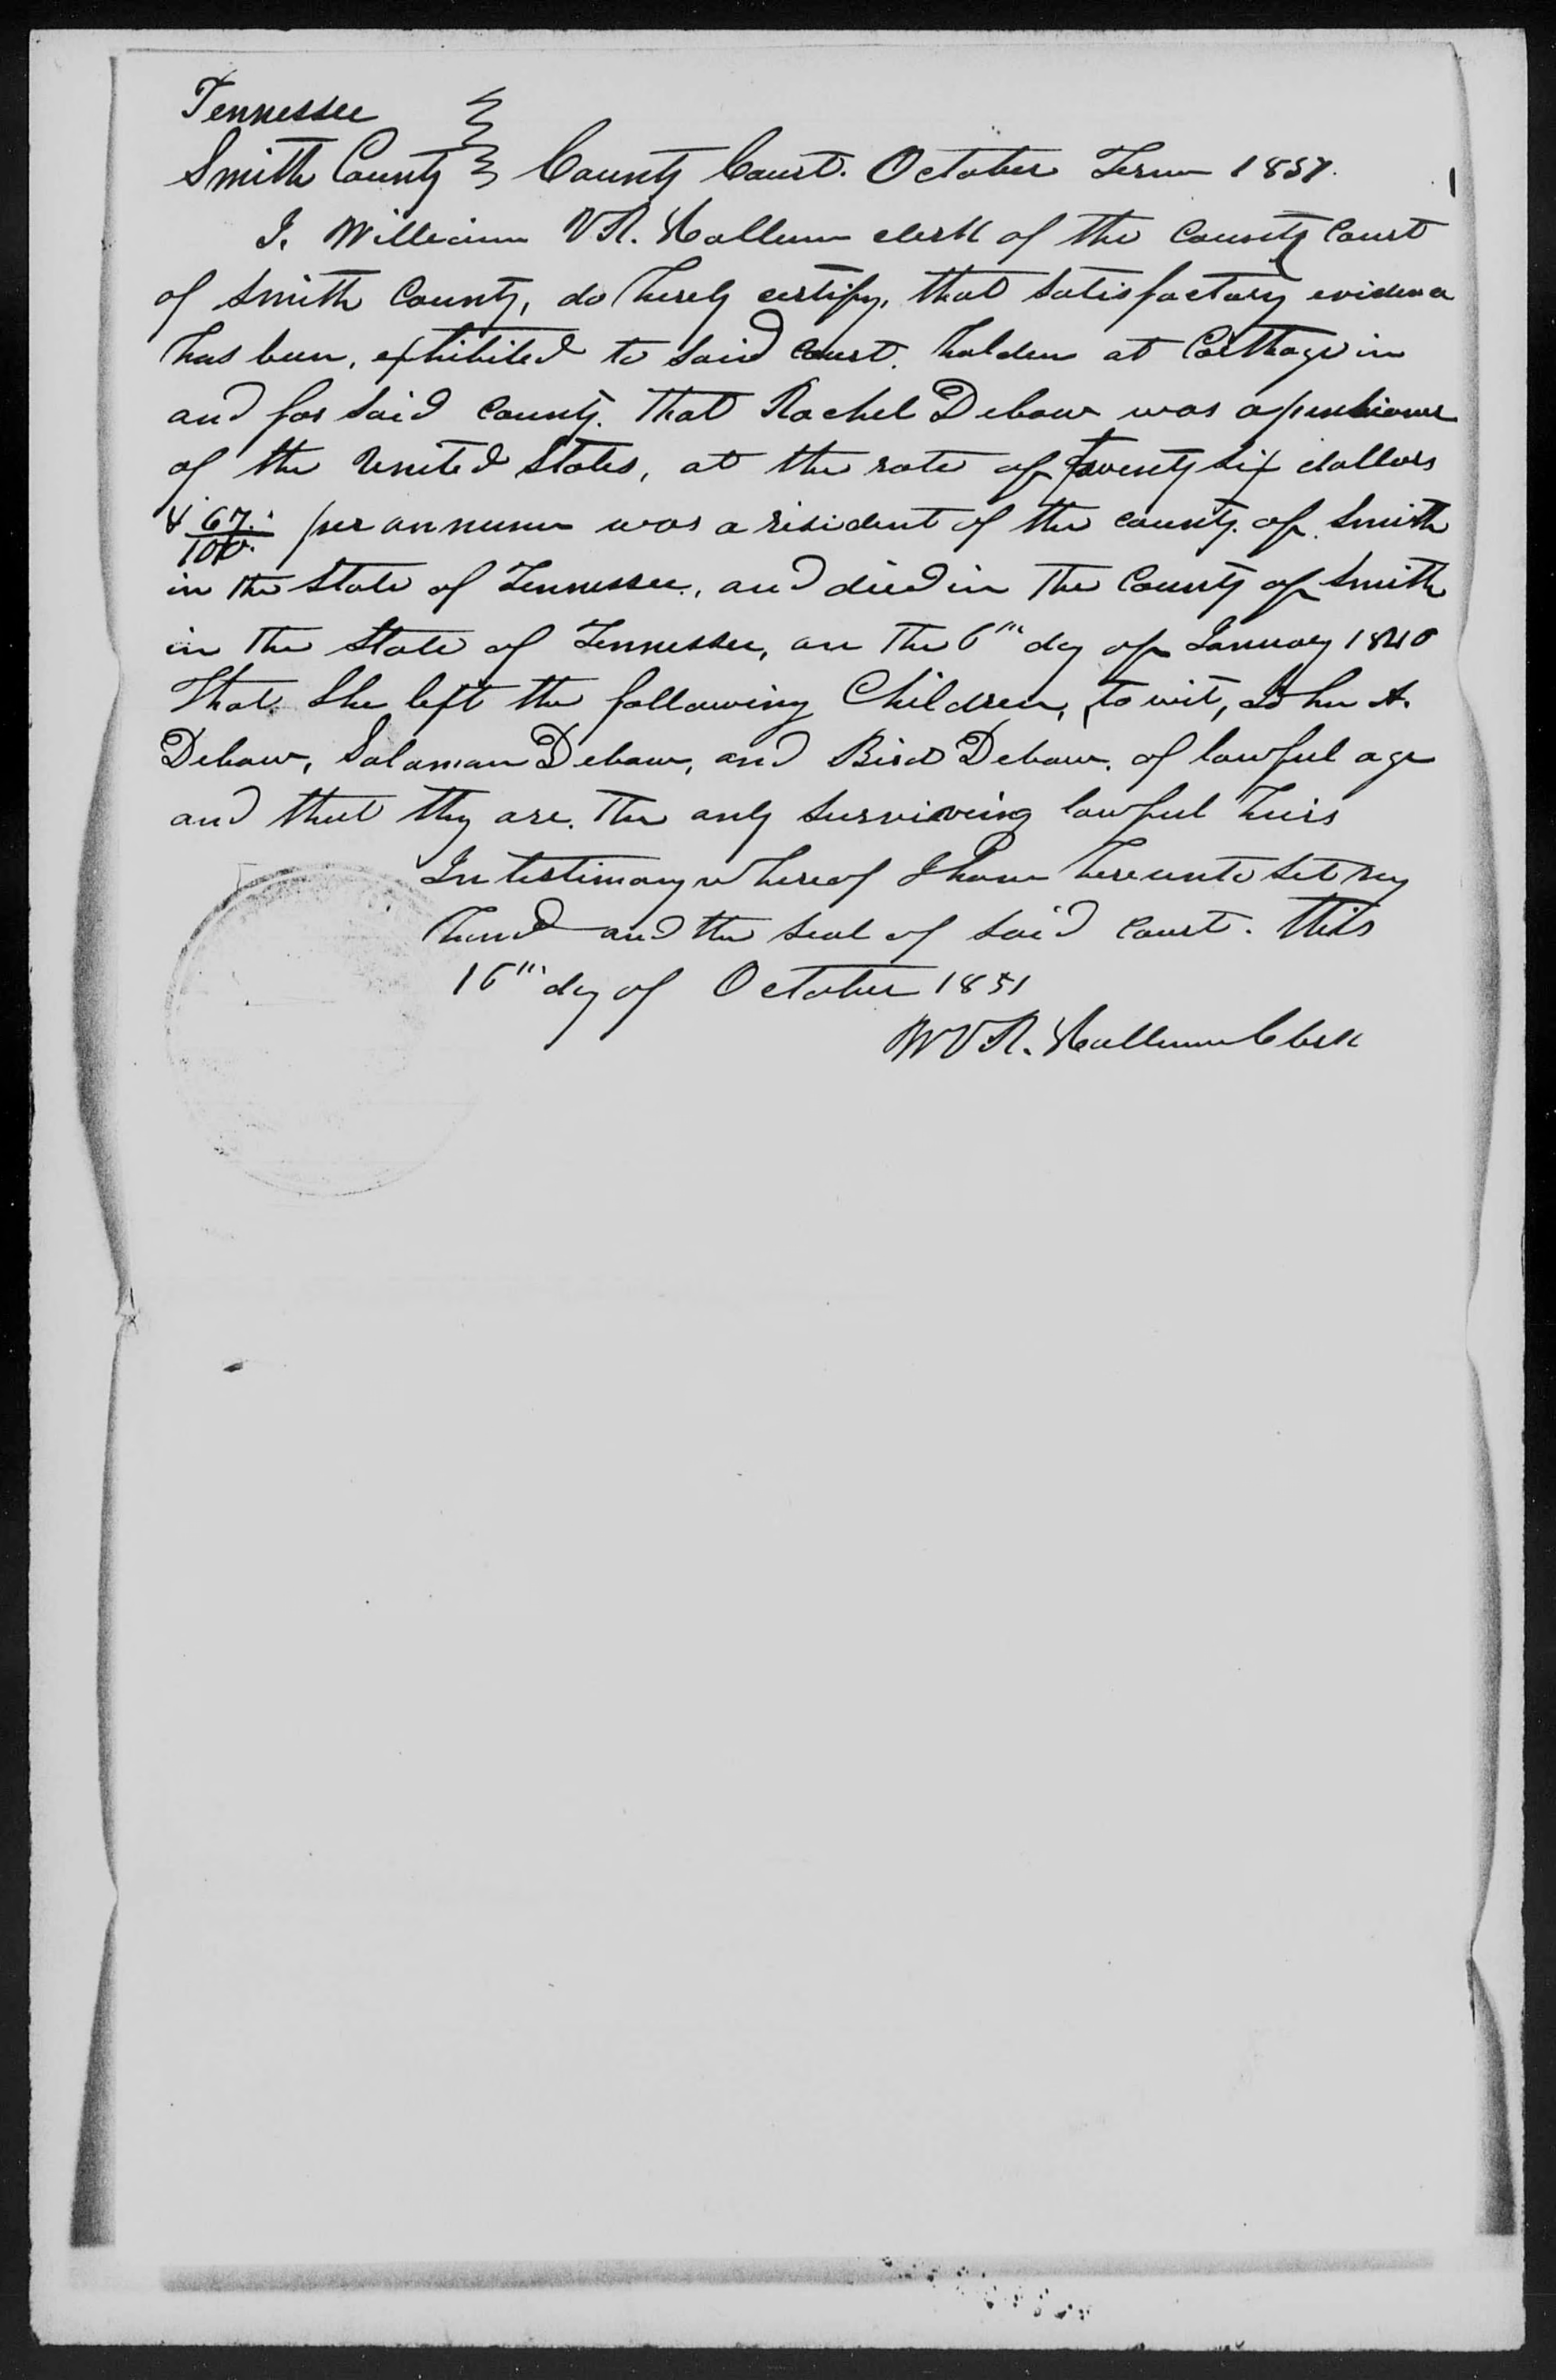Tennessee}
Smith County} County Court October [illegible] 1851.
I William V R Hallum clerk of the County Court of Smith County, do hereby testify, that satisfactory evidence has been, exhibited to said court. [illegible] at Carthage in and for said county that Rachel Debow was a pensioner of the United States, at the rate of twenty six dollars and 67/100 per annum was a resident of the county of Smith in the State of Tennessee, and died in The County of Smith in the State of Tennessee, on this 6th day of January 1849. That she left the following children, to wit, as her A Debow, Solomon Debow, and Bird Debow of lawful age and that they are the only surviving lawful heirs.
SEAL In testimony whereof I have here and set say [illegible] and the seal  of said Court this 16th day of October 1851.
William V R Hallum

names: John A Debow, Rachel Debow, William V R Hallum, W V R Hallum, Solomon Debow, Bird Debow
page: 18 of 62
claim: widow's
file: W 7005, Frederick Debow, N.C.